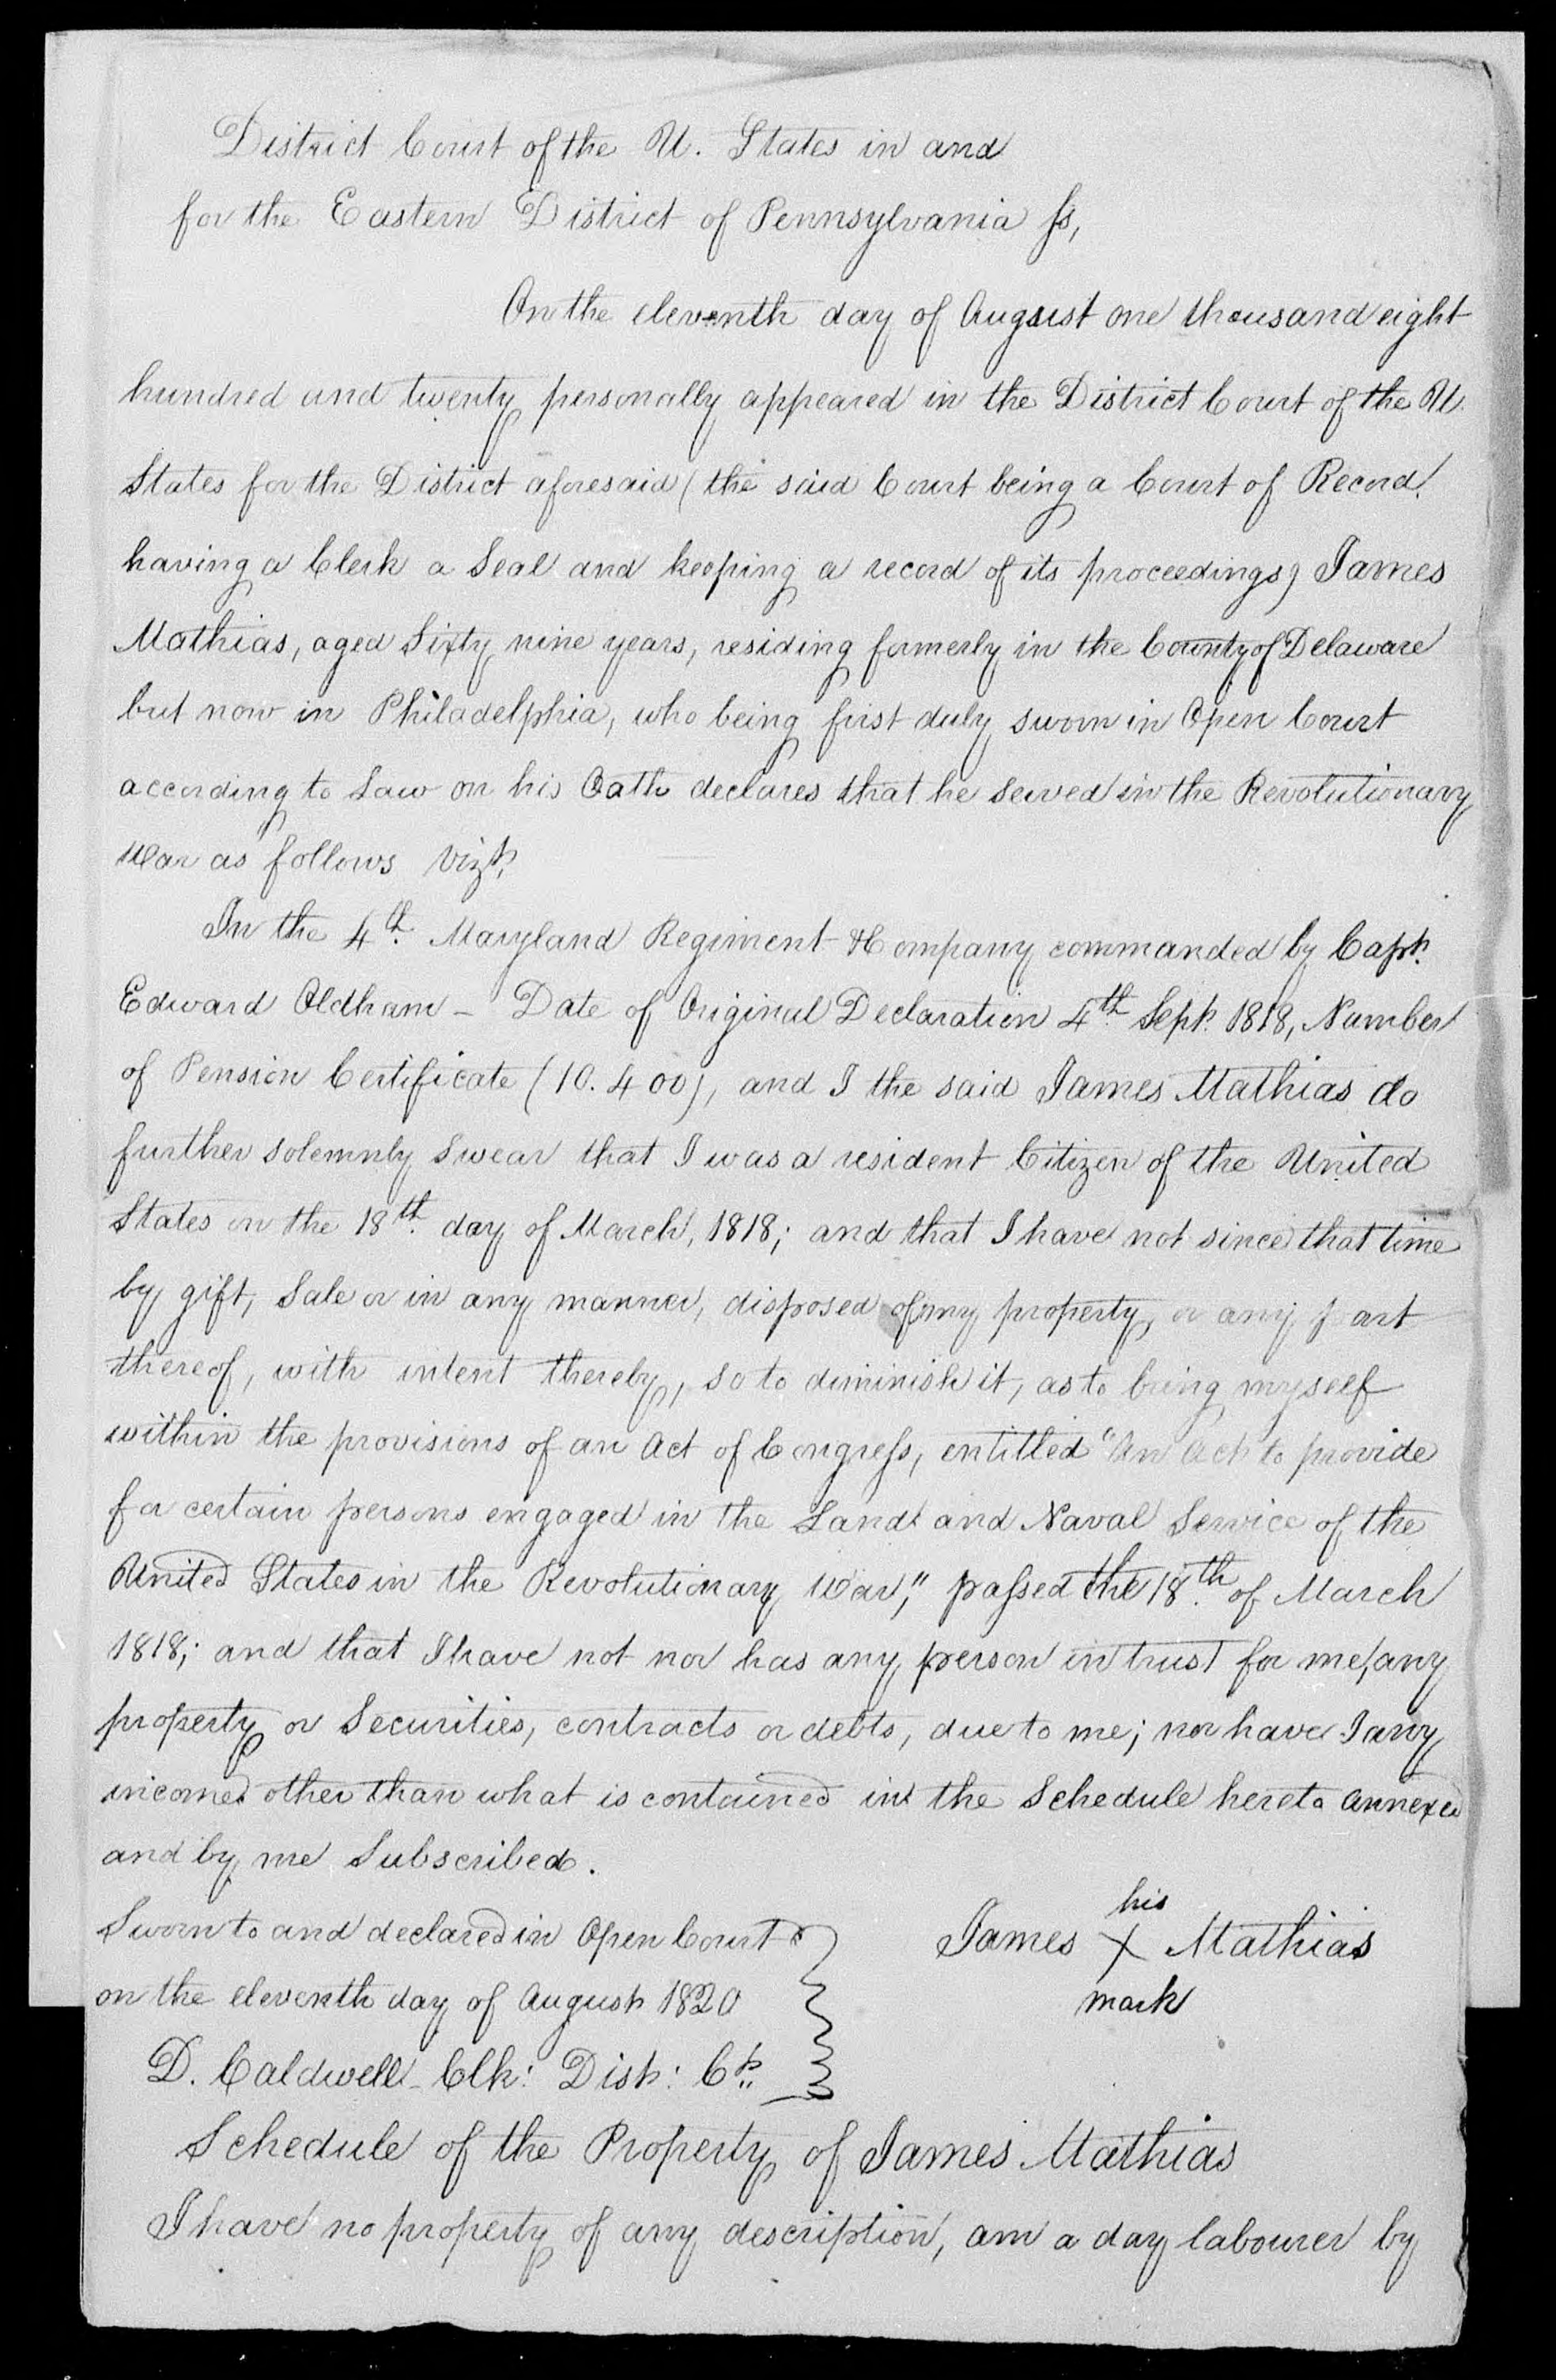District Court of the U. States in and
for the Eastern District of Pennsylvania ss,

On the eleventh day of August one thousand eight hundred and twenty personally appeared in the District Court of the U.
States for the District aforesaid (the said Court being a Court of Record)  having a Clerk a Seal and keeping a record of its proceedings, James Mathias, aged Sixty nine years, residing formerly in the County of Delaware but now in Philadelphia, who being first duly sworn in Open Court according to Law on his oath declares that he served in the Revolutionary
War as follows vizt
In the 4th Maryland Regiment & Company commanded by Capt Edward Oldham, Date of Original Declaration 4th Sept 1818, Number
of Pension Certificate (10.400), and I the said James Mathias do further solemnly swear that I was a resident Citizen of the United States
on the 18th day of March, 1818; and that I have not since that time by gift, sale or in any manner, disposed of my property, or any part
thereof, with intent thereby, so to diminish it, as to bring myself within the provisions of an act of Congress, entitled "An act to provide
for certain persons engaged in the Land and Naval Service of the United States in the Revolutionary War" passed the 18th of March
1818; and that I have not nor has any person in trust for me, any property or Securities, contracts or debts, due to me; nor have any
income other than what is contained in the Schedule hereto annexed and by me subscribed
Sworn to and declared in Open Court
on the eleventh day of August 1820
his
James x Mathias
mark
D. Caldwell Clk. Dist. Ct
Schedule of the property of James Mathias
I have no property of any description, am a day labourer by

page: 8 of 20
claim: survivor's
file: S. 40,119, for James Mathias, Maryland